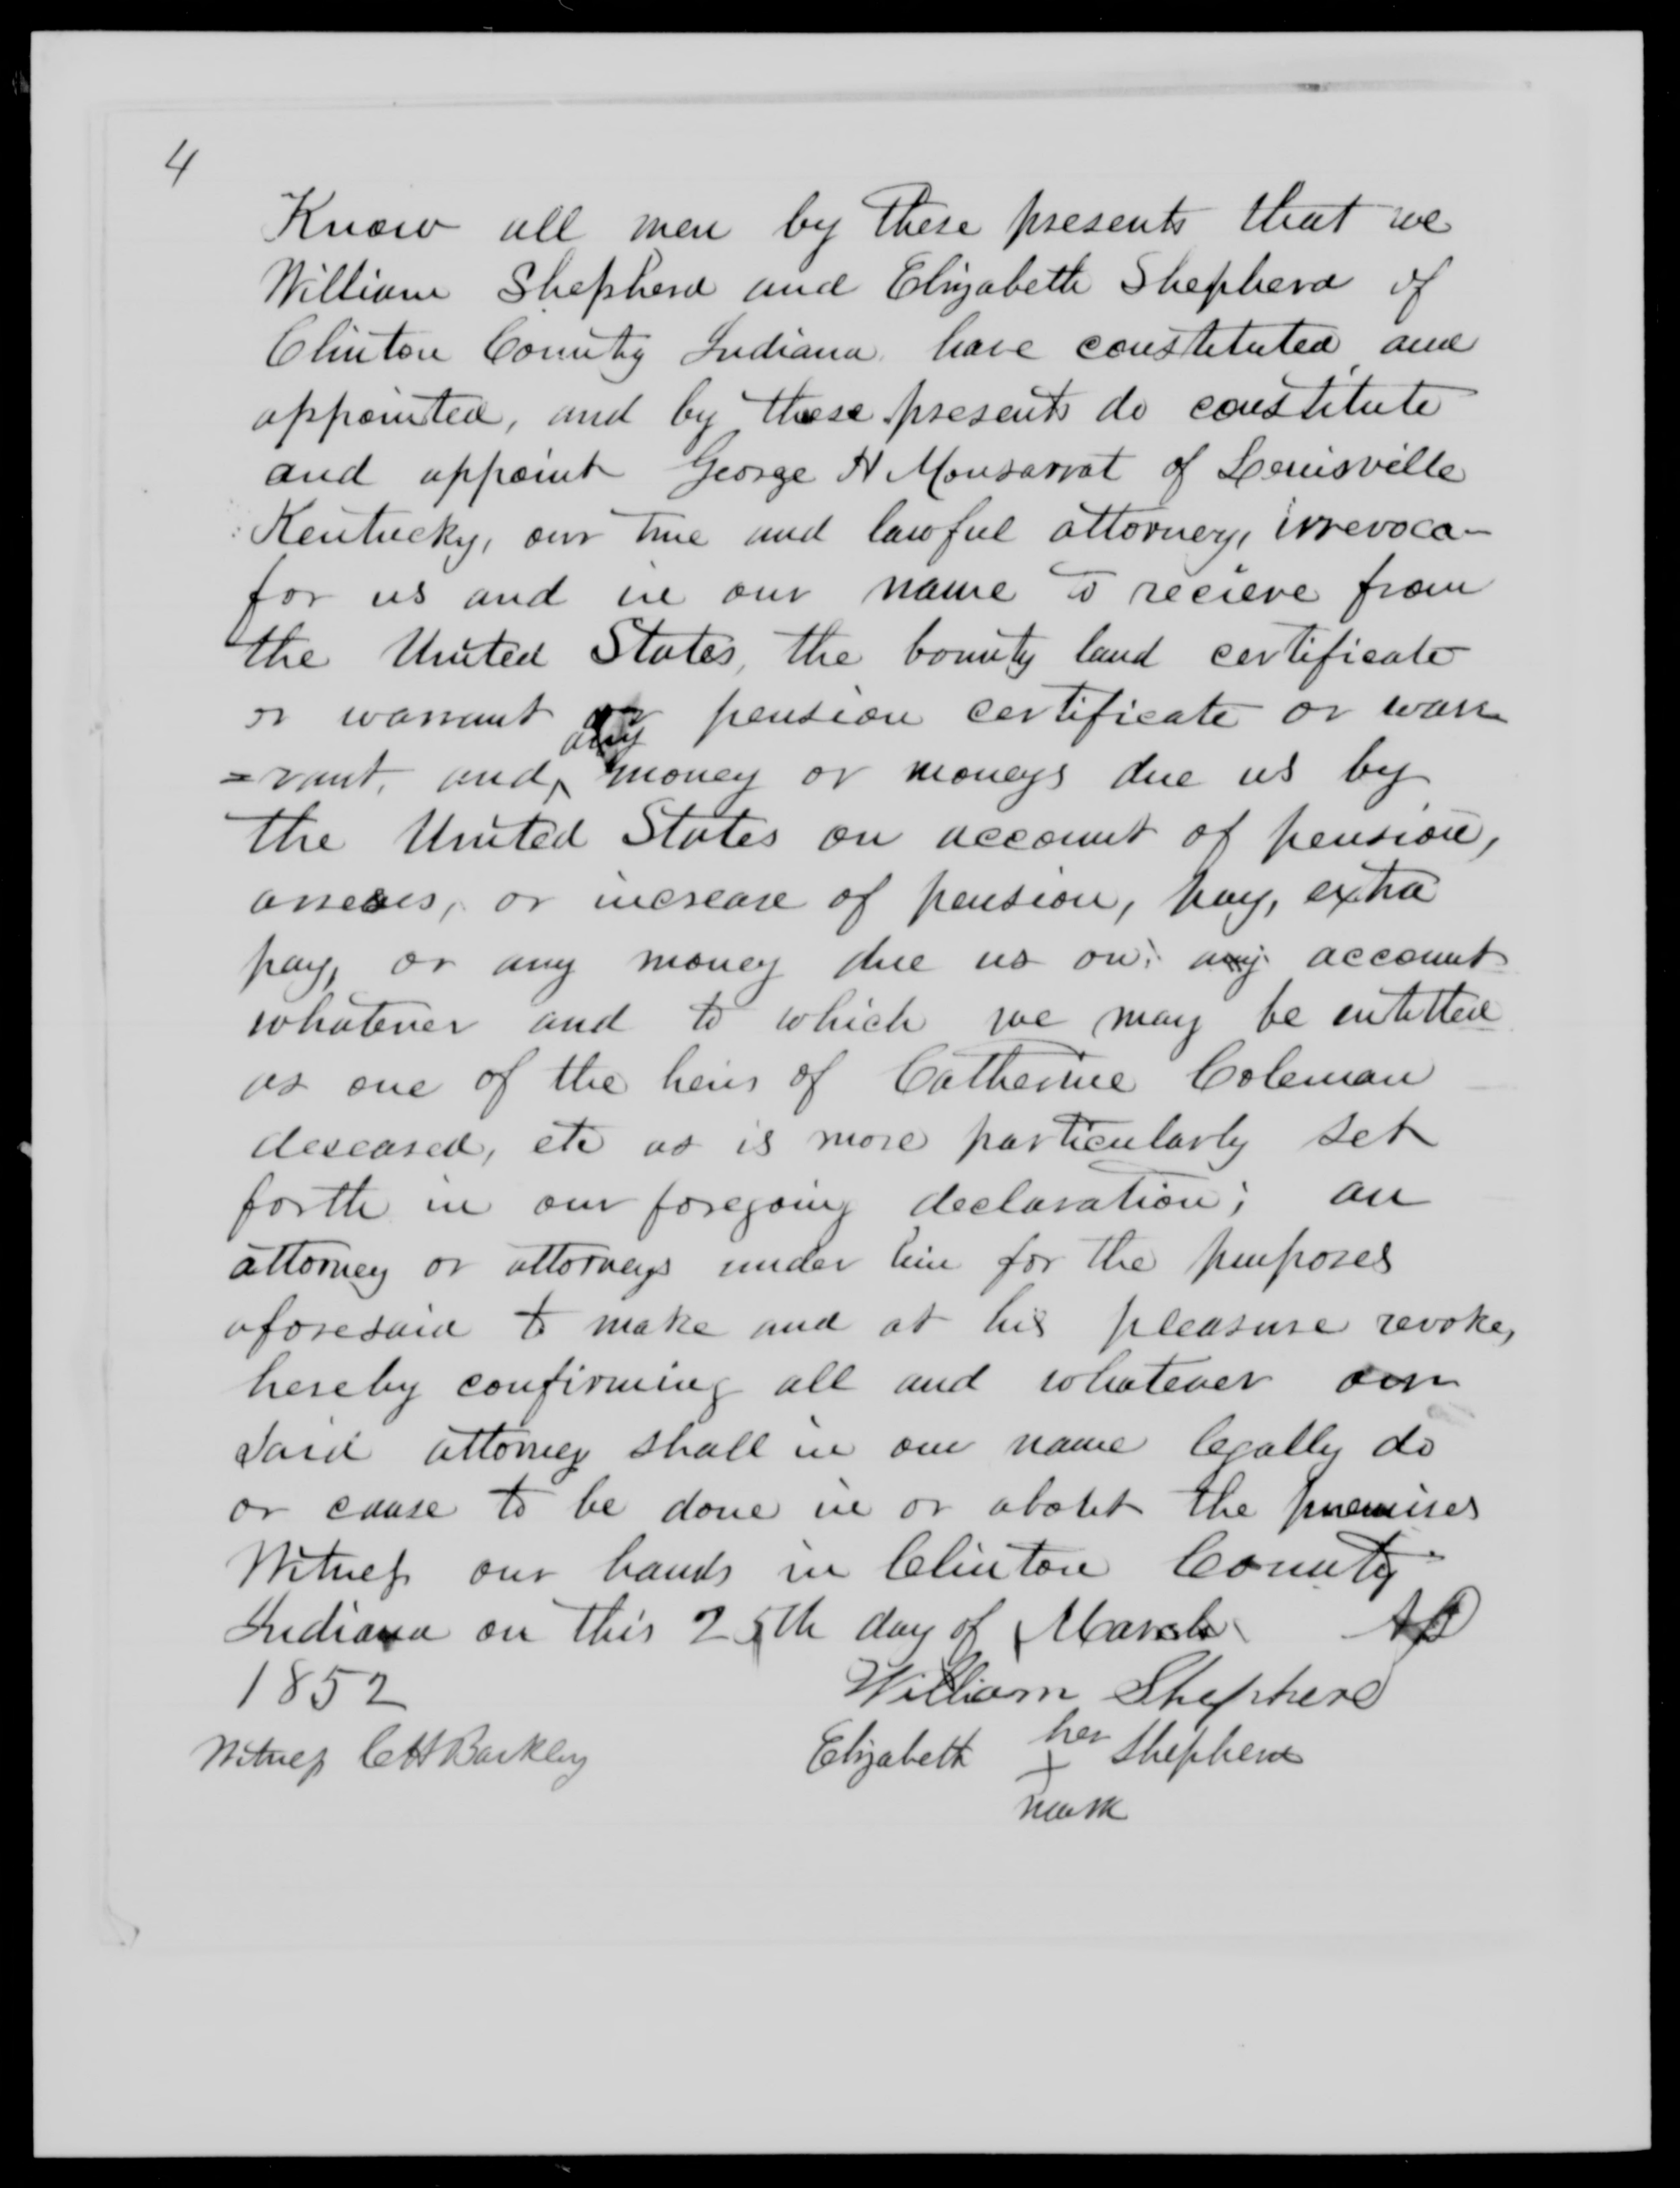4
Know all men by these presents that we
William Shepherd and Elizabeth Shepherd of
Clinton County Indiana have constituted and
appointed, and by these presents do constitute
and appoint George H Monsarrat of Lewisville
Kentucky, our true and lawful attorney, irrevoca[bly]
for us and in our name to receive from
the United States, the bounty land certificate
or warrant ot pension certificate or warrant, 
and any money or moneys due us by
the United States on account of pension,
asses, or increase of pension, pay, extra
pay, or any money due us on any account
whatever and to which we may be entitled
as one of the heirs of Catherine Coleman
deceased, etc as is more particularly set
forth in our foregoing declaration; and
attorney or attorneys under him for the purposes
aforesaid to make and at his pleasure revoke,
hereby confirming all and whatever our said
attorney shall in our name legally do
or cause to be done in or about the premises.
Witness our hands in Clinton County
Indiana on this 25th day of March AD 1852
William Shepherd
Elizabeth Shepherd her mark
Witness C H Barkley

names: Elizabeth Shepherd, C H Barkley, George H Monsarrat, Catherine Coleman, William Shepherd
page: 84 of 123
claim: rejected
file: R. 11,949, Matthias Young, Md.